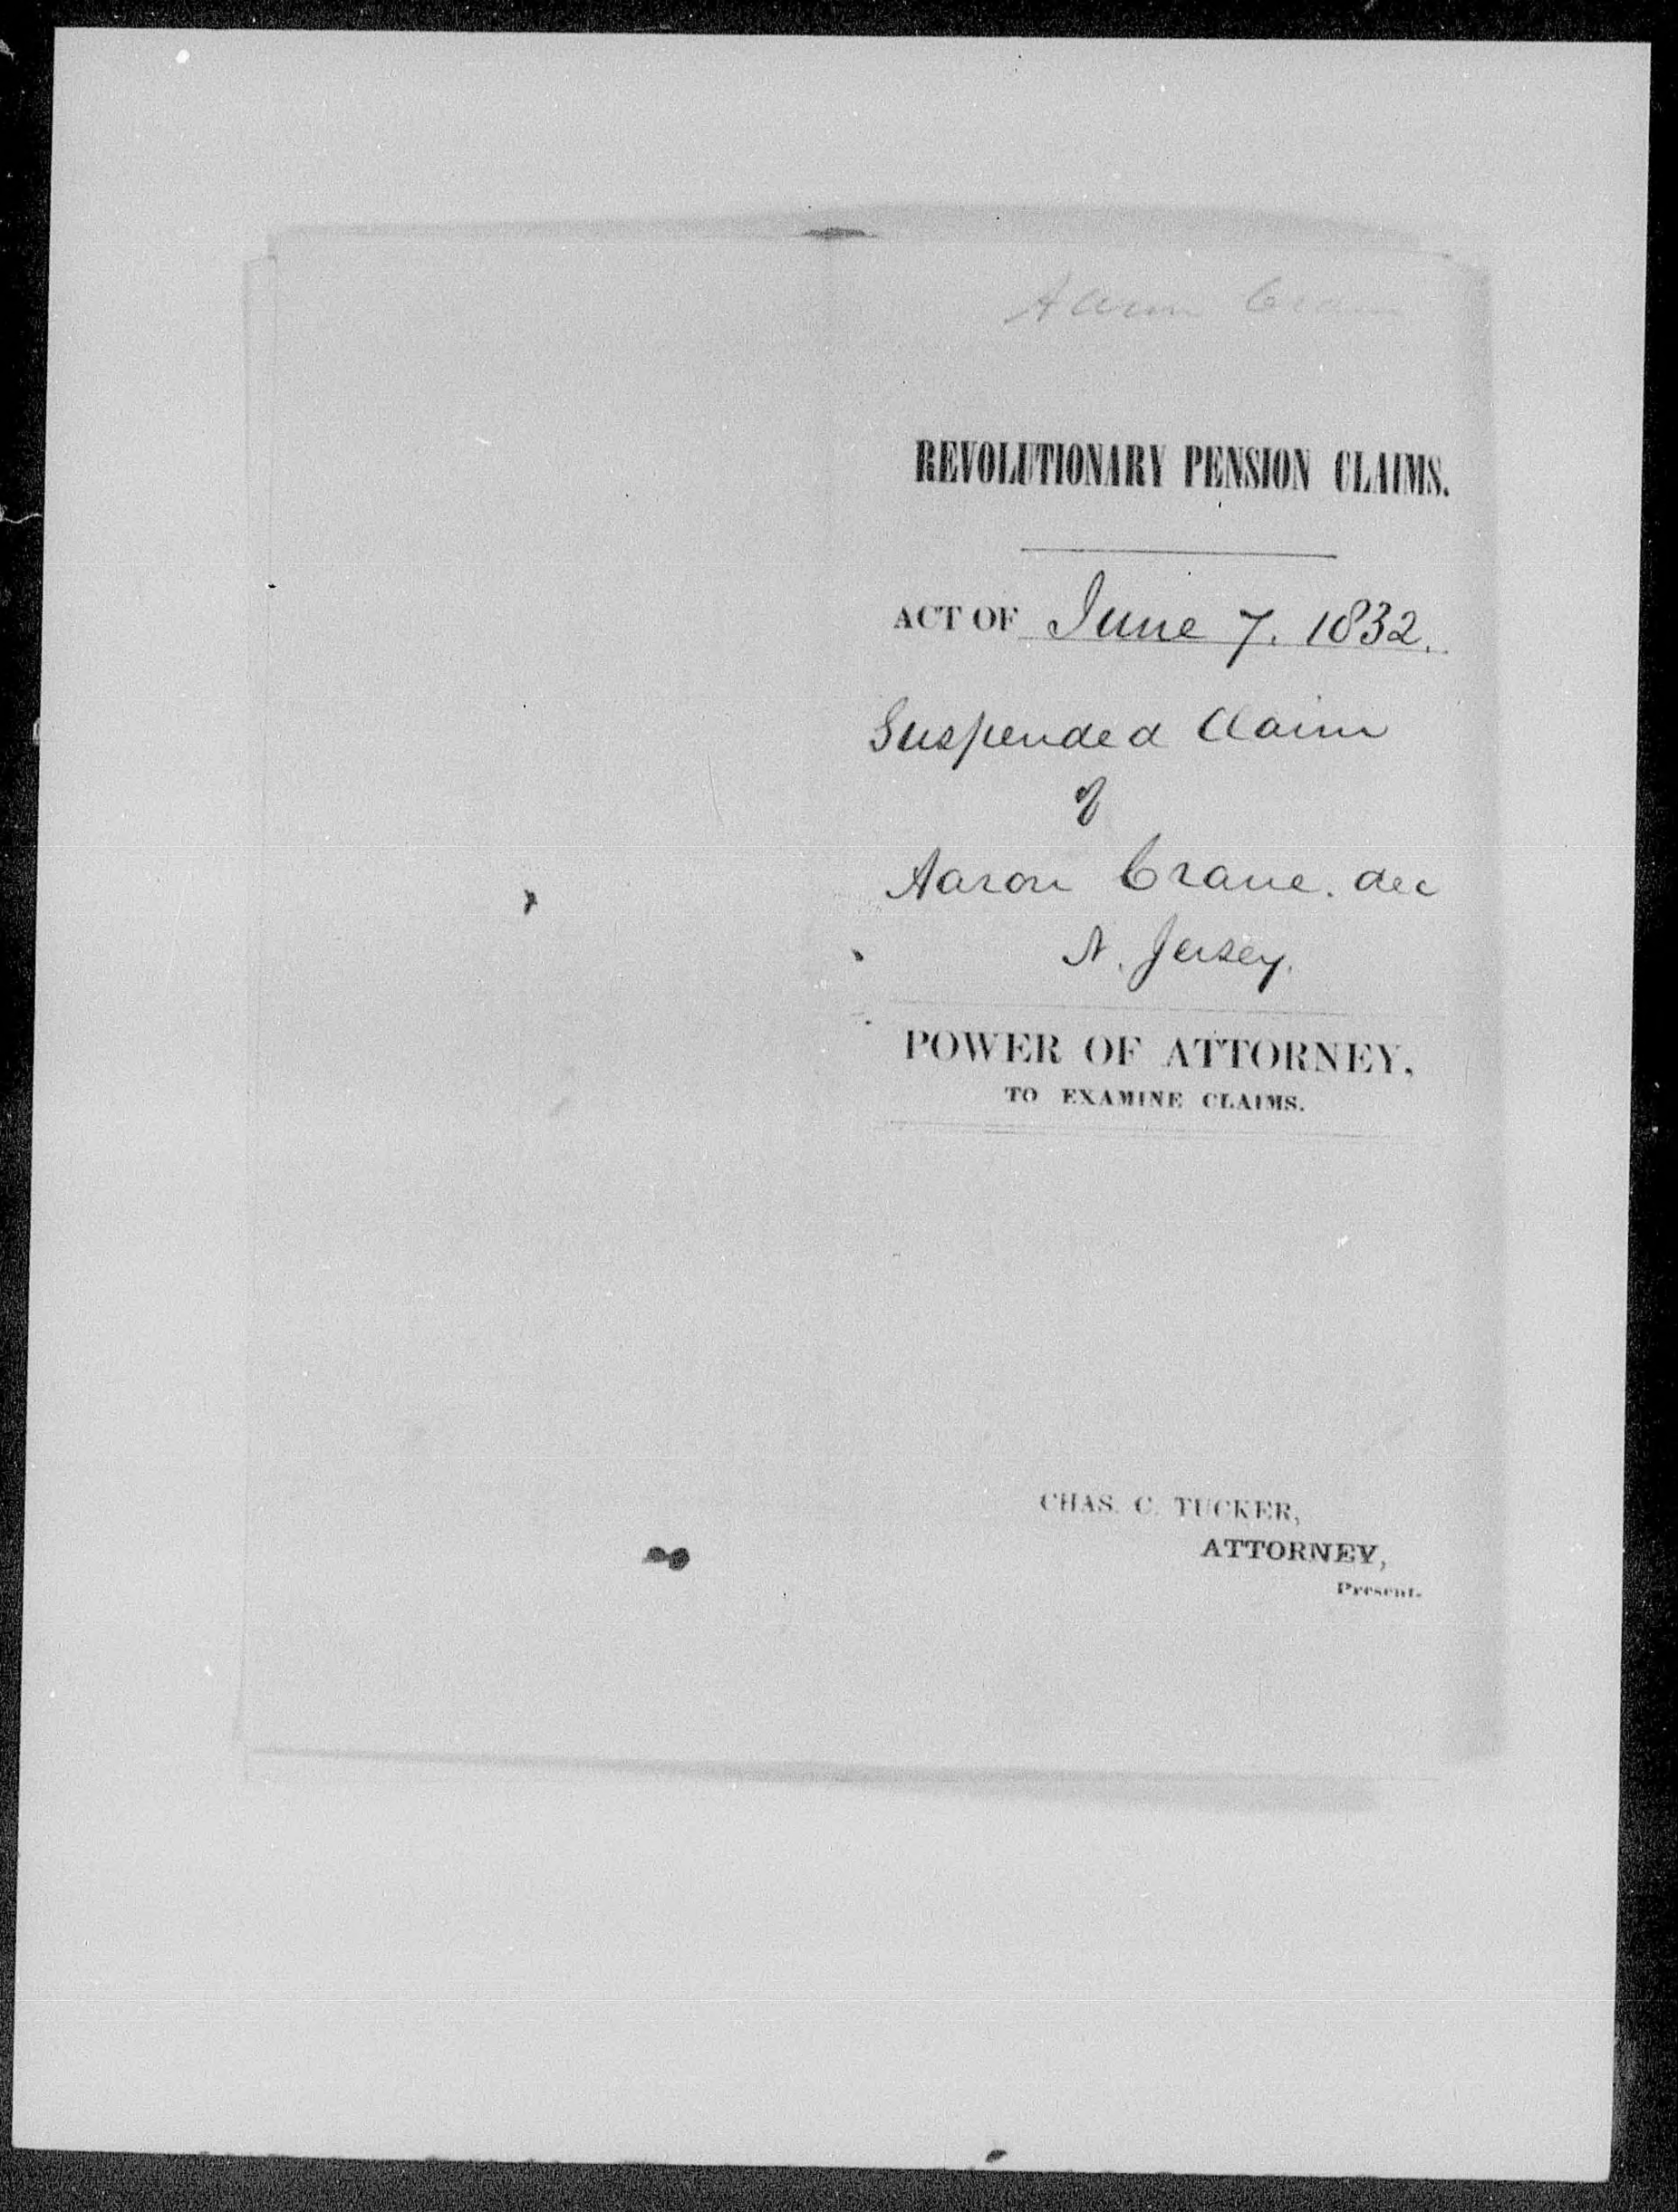Aaron Crane


REVOLUTIONARY PENSION CLAIMS

ACT OF June 7, 182.

Suspended Claim

of 

Aaron Crane, dec

N. Jersey


POWER OF ATTORNEY

TO EXAMINE CLAIMS


CHAS C. TUCKER

ATTORNEY

            Present.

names: Aaron Crane, Chas C Tucker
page: 13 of 32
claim: rejected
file: R. 2441, Aaron Crane, New Jersey